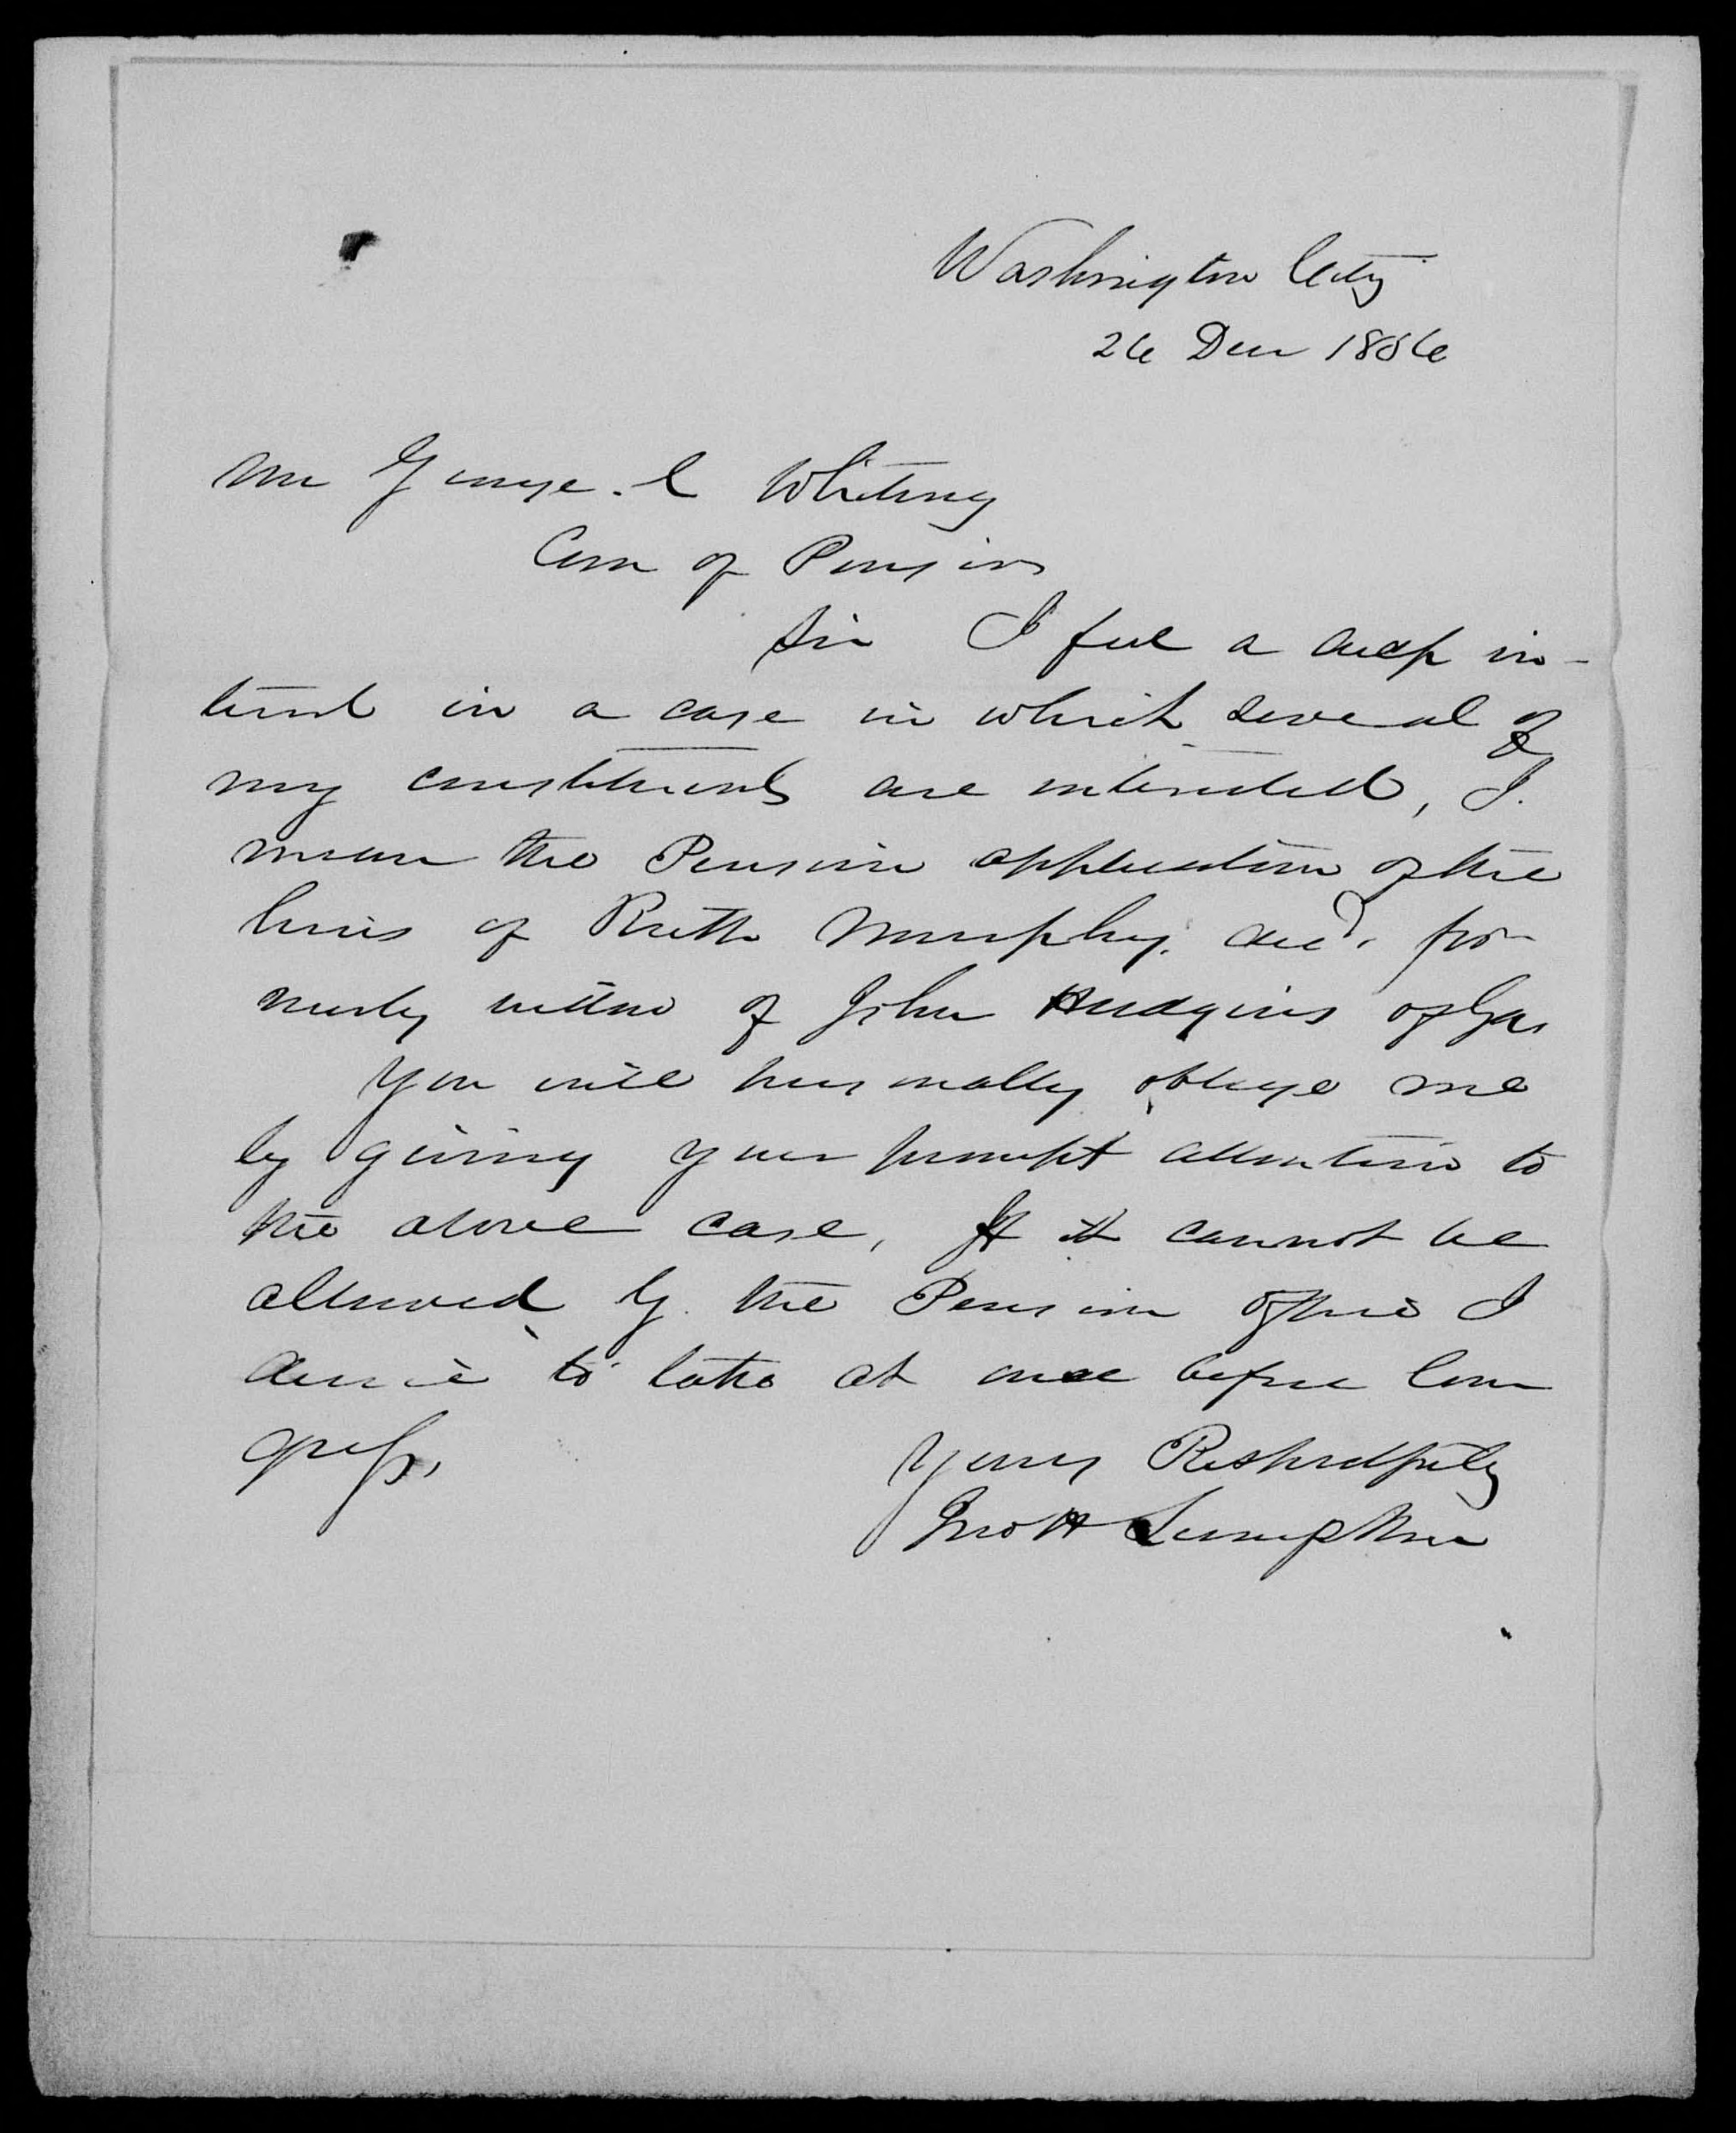Washington City 26 Dec 1856
Mr. George C Whitney. Com of Pension.
Sir, I feel a such intent in a case in which several of my constiuents are entitled. I mean the pension application of Ruth Murphy. dec from widow of John Hudgies of GA.
You will here holly oblige me by giving your upmost attention to this above case. If you cannot be allowed by the pension office I arrive to take at once before Congress.
Yours Respectfully: George Sumpkin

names: Ruth Murphy, Jno H Sumpter, John Hudgins, George C Whiting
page: 41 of 108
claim: rejected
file: R. 7,515, John Hudgins, N.C.